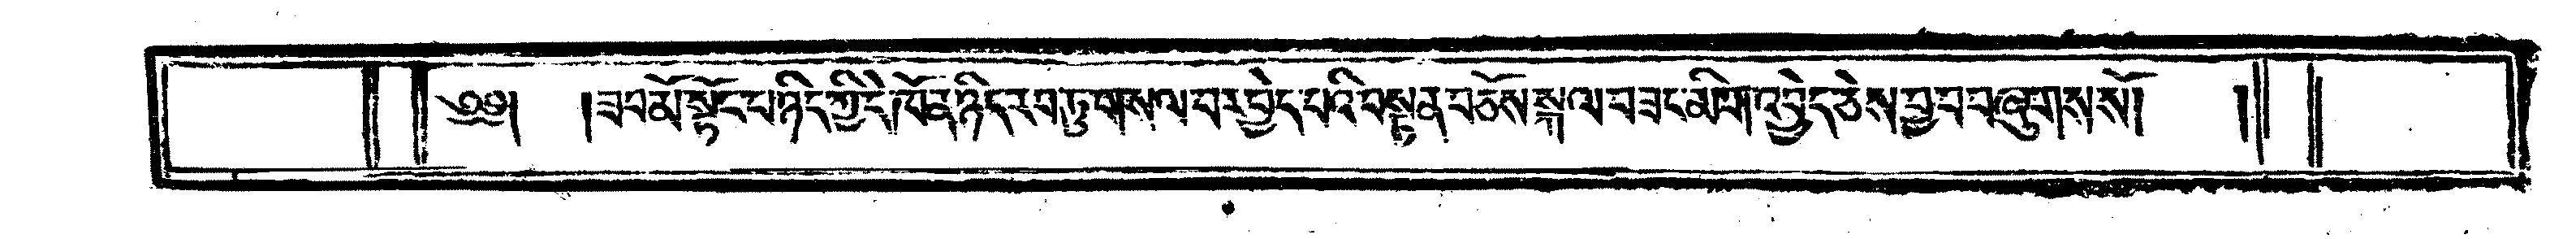༄༅། །ཟབ་མོ་སྟོང་པ་ཉིད་ཀྱི་དེ་ཁོ་ན་ཉིད་རབ་ཏུ་གསལ་བར་བྱེད་པའི་བསྟན་བཅོས་སྐལ་བཟང་མིག་འབྱེད་ཅེས་བྱ་བ་བཞུགས་སོ། །